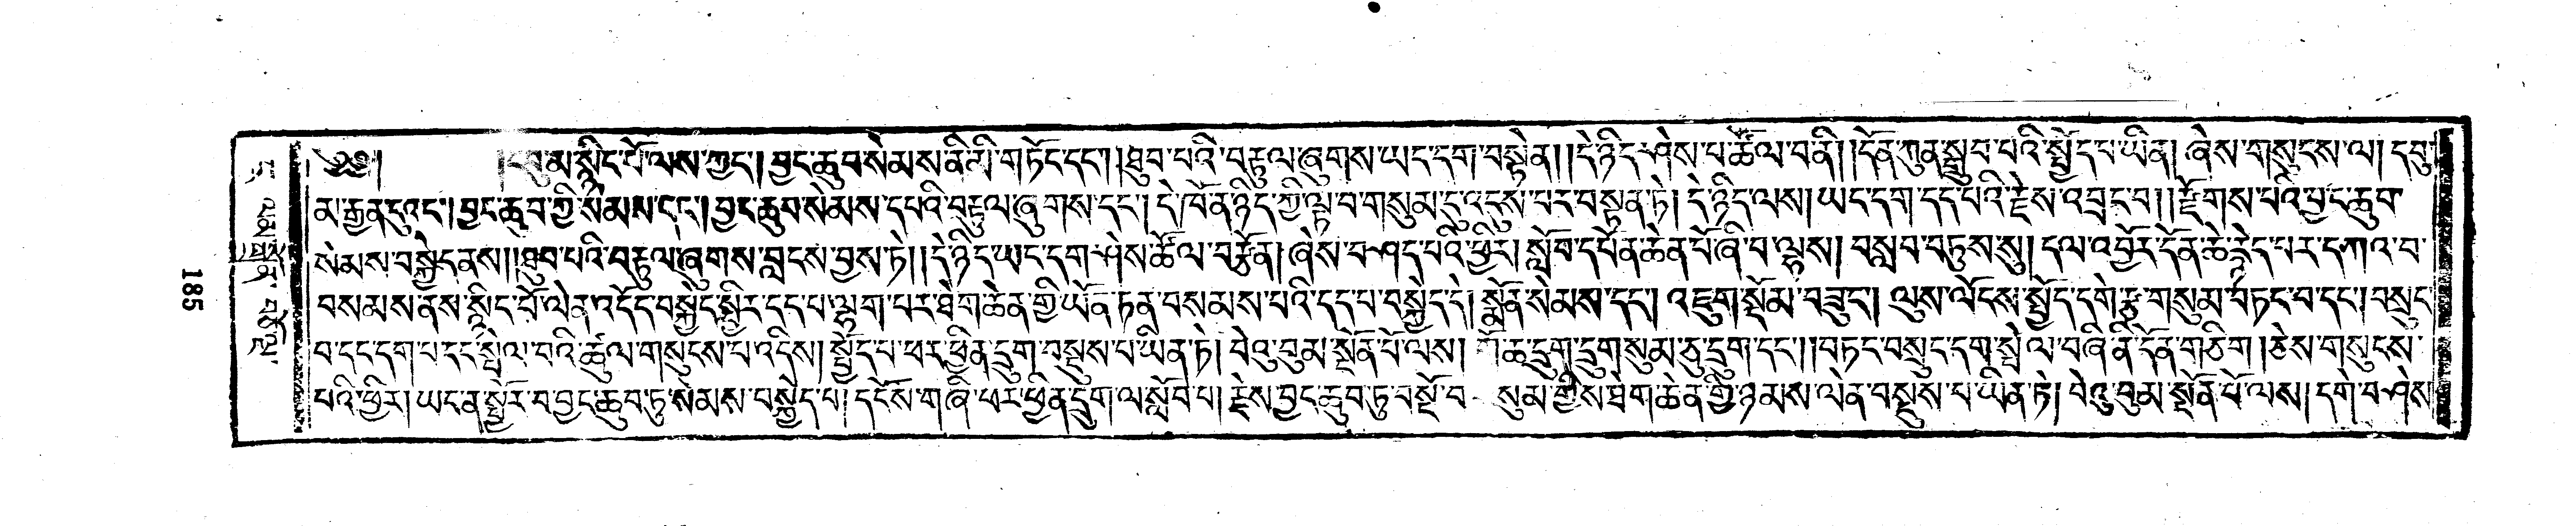༄༅། །དབུ་མ་སྙིང་པོ་ལས་ཀྱང་། བྱང་ཆུབ་སེམས་ནི་མི་གཏོང་དང་། །ཐུབ་པའི་བརྟུལ་ཞུགས་ཡང་དག་བསྟེན། །དེ་ཉིད་ཤེས་པ་ཚོལ་བ་ནི། །དོན་ཀུན་སྒྲུབ་པའི་སྤྱོད་པ་ཡིན། ཞེས་གསུངས་ལ། དབུ་
མ་རྒྱན་དུའང་། བྱང་ཆུབ་ཀྱི་སེམས་དང་། བྱང་ཆུབ་སེམས་དཔའི་བརྟུལ་ཞུགས་དང་། དེ་ཁོ་ན་ཉིད་ཀྱི་ལྟ་བ་གསུམ་དུ་འདུས་པར་བསྟན་ཏེ། དེ་ཉིད་ལས། ཡང་དག་དད་པའི་རྗེས་འབྲང་བ། །རྫོགས་པའི་བྱང་ཆུབ་
སེམས་བསྐྱེད་ནས། །ཐུབ་པའི་བརྟུལ་ཞུགས་བླངས་བྱས་ཏེ། །དེ་ཉིད་ཡང་དག་ཤེས་ཚོལ་བརྩོན། ཞེས་བཤད་པའི་ཕྱིར། སློབ་དཔོན་ཆེན་པོ་ཞི་བ་ལྷས། བསླབ་བཏུས་སུ། དལ་འབྱོར་དོན་ཆེ་རྙེད་པར་དཀའ་བ་
བསམས་ནས་སྙིང་པོ་ལེན་འདོད་བསྐྱེད་སྤྱིར་དད་པ་ལྷག་པར་ཐེག་ཆེན་གྱི་ཡོན་ཏན་བསམས་པའི་དད་པ་བསྐྱེད་དེ། སྨོན་སེམས་དང་། འཇུག་སྡོམ་བཟུང་། ལུས་ལོངས་སྤྱོད་དགེ་རྩ་གསུམ་བཏང་བ་དང་། བསྲུང་
བ་དང་དག་པ་དང་སྤེལ་བའི་ཚུལ་གསུངས་པ་འདིས། སྤྱོད་པ་ཕར་ཕྱིན་དྲུག་བསྡུས་པ་ཡིན་ཏེ། བེའུ་བུམ་སྔོན་པོ་ལས། གོ་ཆ་དྲུག་དྲུག་སུམ་ཅུ་དྲུག་དང་། །བཏང་བསྲུང་དག་སྤེལ་བཞི་ནི་དོན་གཅིག །ཅེས་གསུངས་
པའི་ཕྱིར། ཡང་ན་སྦྱོར་བ་བྱང་ཆུབ་ཏུ་སེམས་བསྐྱེད་པ། དངོས་གཞི་ཕར་ཕྱིན་དྲུག་ལ་སློབ་པ། རྗེས་བྱང་ཆུབ་ཏུ་བསྔོ་བ་གསུམ་གྱིས་ཐེག་ཆེན་གྱི་ཉམས་ལེན་བསྡུས་པ་ཡིན་ཏེ། བེའུ་བུམ་སྔོན་པོ་ལས། དགེ་བཤེས་